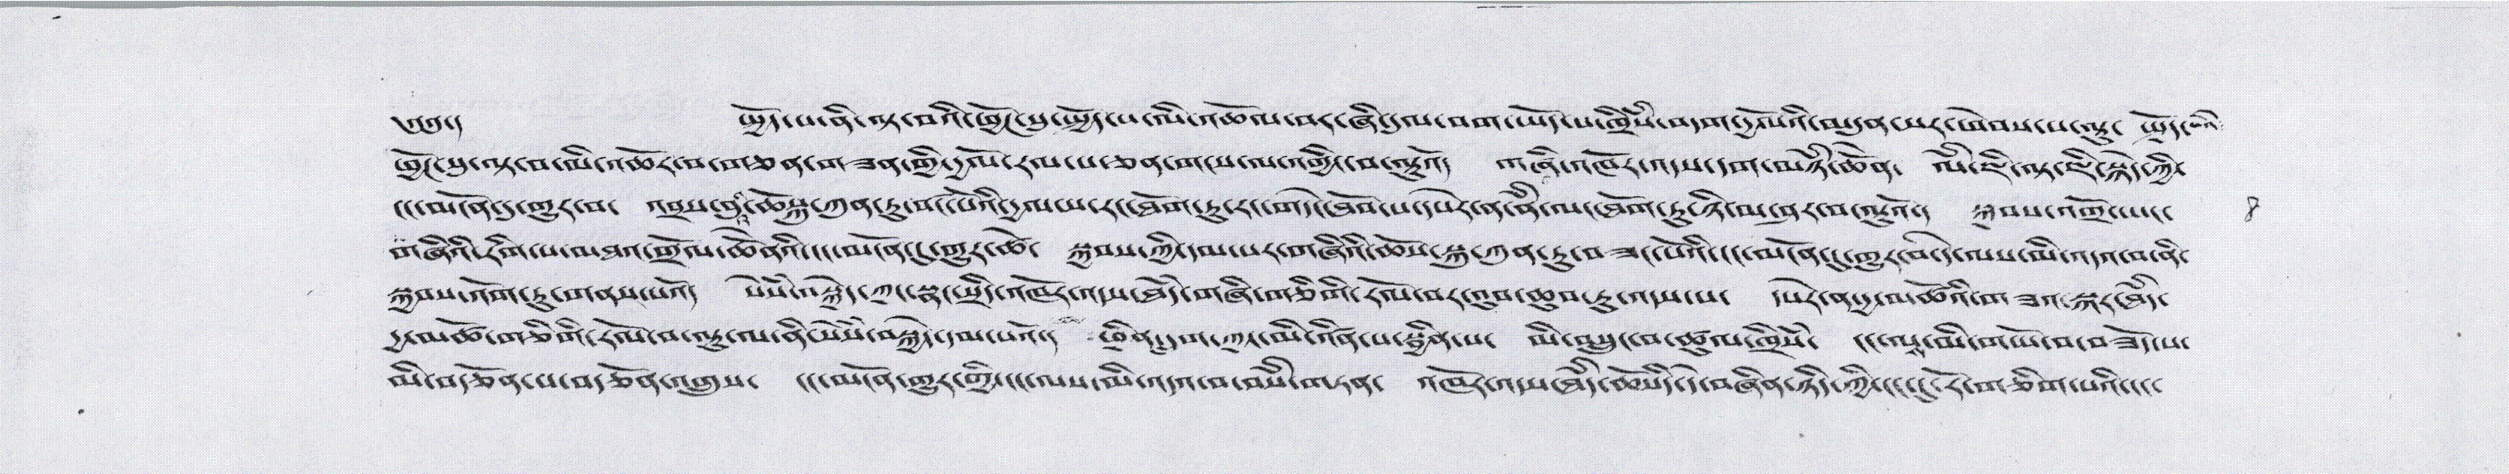སྤྱོད་པ་ནི་ལྟ་བའི་ཕྱོགས་སུ་སྤྱོད་པ་མི་འཆོལ་བར་ཞི་དུལ་བག་ཡོད་པ་ཁྲིམས་བདག་རྒྱལ་པོའི་མདུན་སར་ཕེབས་པ་ལྟ་བུ། སྤྱོད་པའི་
ཕྱོགས་སུ་ལྟ་བ་མི་འཆོར་བ་གཅན་གཟན་གྱི་རྒྱལ་པོ་རལ་པ་ཅན་གངས་ལ་འགྱིང་བ་ལྟ་བུའོ། གཞི་འཁོར་འདས་དག་མཉམ་ཆེན་པོ། ལམ་ཇི་ལྟ་ཇི་སྙེད་ཀྱི་
ངང་མངོན་དུ་གྱུར་པ། འབྲས་བུ་ཆོས་སྐུ་ཀུན་ཏུ་བཟང་པོའི་རྒྱལ་ས་རང་ཐོག་ཏུ་རང་གདེང་ཐོབ་པ་དཔེར་ན་ནམ་ལང་ཐོག་ཏུ་ཉི་མ་ཤར་བ་ལྟ་བུའོ། སྐྱབས་འགྲོ་ཡང་
གཞིའི་རིག་པ་མཐའ་གྲོལ་ཆེན་པོའི་ངང་མངོན་དུ་གྱུར་ཚེ། སྐྱབས་ཀྱི་དམ་པར་གཞིའི་ཆོས་སྐུ་ཀུན་ཏུ་བཟང་པོའི་ངང་མངོན་དུ་གྱུར་པ་དེ་ལས་མི་འདའ་བ་ནི་
སྐྱབས་འོག་ཏུ་གནས་པའོ། སེམས་བསྐྱེད་ཀྱང་སྣང་སྲིད་འཁོར་འདས་ཐམས་ཅད་གཞི་གཅིག་གི་རོལ་པར་འུབ་ཆུབ་ཏུ་འདས་པ། དཔེར་ན་རྒྱ་མཚོའི་གཟའ་སྐར་ཐམས་ཅད་
རྒྱ་མཚོ་གཅིག་གི་རོལ་པ་ལྟ་བུ་ལ་ནི་སེམས་བསྐྱེད་དམ་པའོ། ཕྱིན་དྲུག་ཀྱང་མི་འཛིན་པ་སྦྱིན་པ། མི་བསྲུང་བ་ཚུལ་ཁྲིམས། ངང་ལས་མི་གཡོ་བ་བཟོད་པ། 
མི་བརྩོན་པ་བརྩོན་འགྲུས། ངང་མངོན་གྱུར་གྱི་ངང་ལས་མི་འདའ་བ་བསམ་གཏན། འཁོར་འདས་ཐམས་ཅད་ཆོས་ཉིད་དེ་བཞིན་ཉིད་ཀྱི་ངང་དུ་རོ་གཅིག་པའི་ངང་